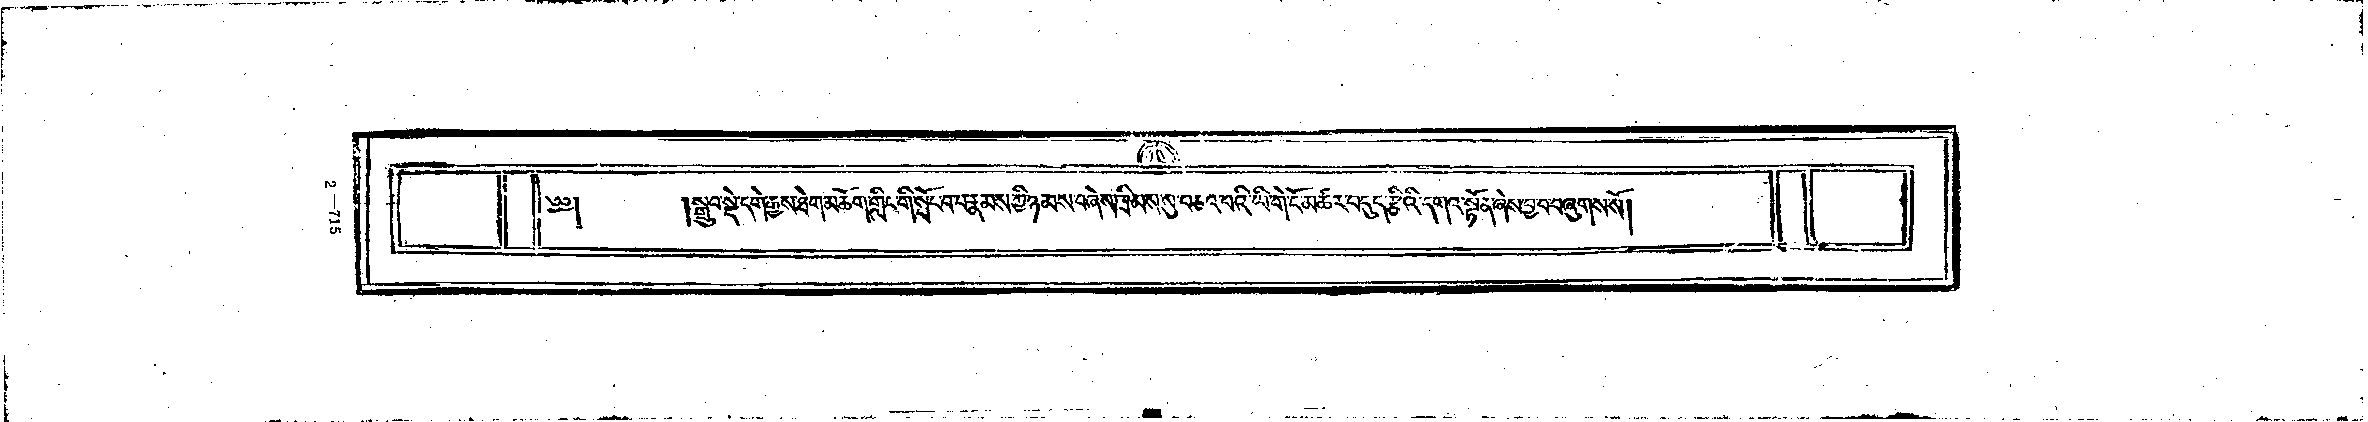༄༅། །སྒྲུབ་སྡེ་དགེ་རྒྱས་ཐེག་མཆོག་གླིང་གི་སྤོང་བ་པ་རྣམས་ཀྱི་ཉམས་བཞེས་ཁྲིམས་སུ་བཅའ་བའི་ཡི་གེ་ངོ་མཚར་བདུད་རྩིའི་དགའ་སྟོན་ཞེས་བྱ་བ་བཞུགས་སོ།